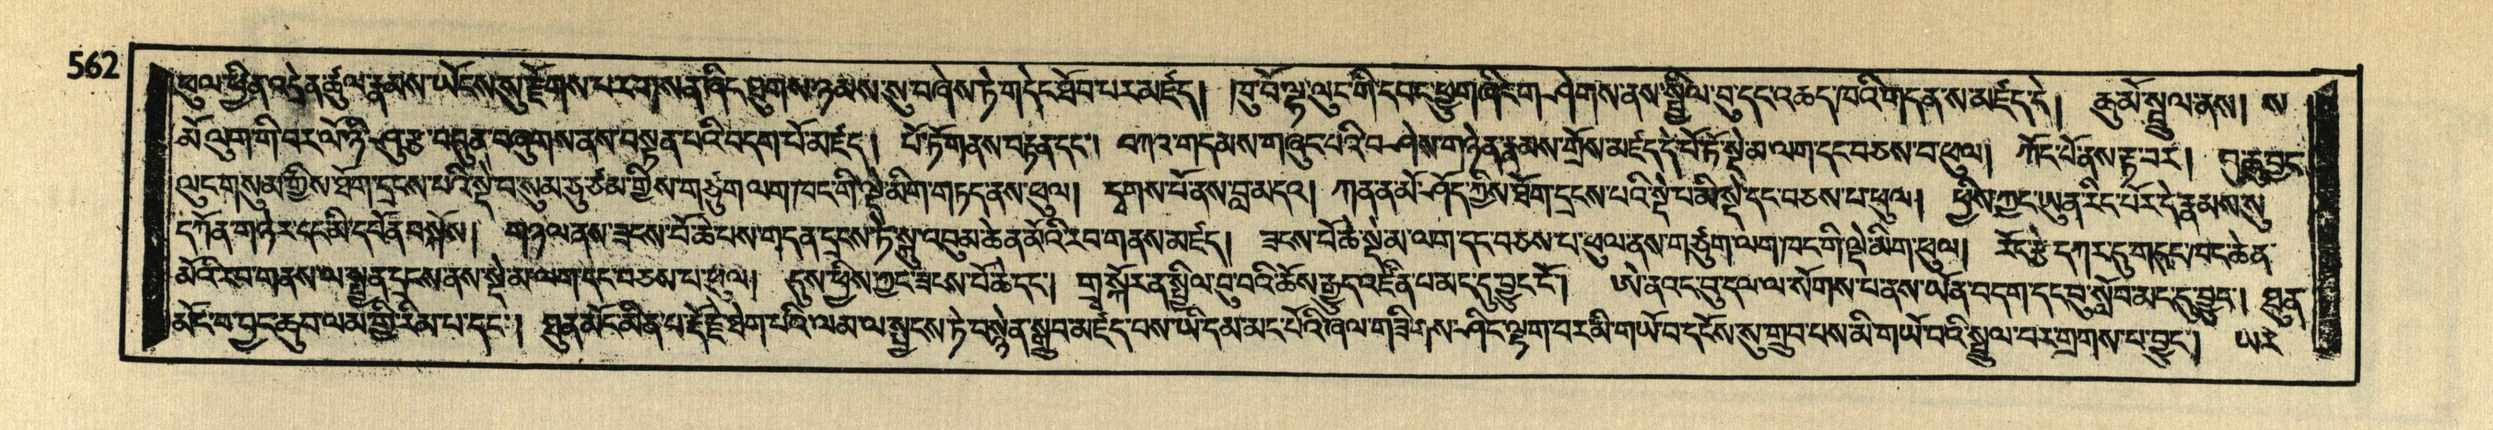ཕུལ་ཕྱིན་འདྲེན་ཚུལ་རྣམས་ཡོངས་སུ་རྫོགས་པར་གསན་ཞིང་ཐུགས་ཉམས་སུ་བཞེས་ཏེ་གདེང་ཐོབ་པར་མཛད། ཁུ་བོ་ལྷ་ལུང་གི་དབང་ཕྱུག་ཞིང་གཤེགས་ནས་སྤྱིལ་བུ་དང་འཆད་ཁའི་གདན་ས་མཛད་དེ། ཆུ་མོ་སྤྲུལ་ནས། ས་
མོ་ལུག་གི་བར་ལོ་ཉི་ཤུ་རྩ་བདུན་བཞུགས་ནས་བསྟན་པའི་བདག་པོ་མཛད། པོ་ཏོ་གནས་བརྟན་དང་། བཀའ་གདམས་གཞུང་པའི་བཤེས་གཉེན་རྣམས་གྲོས་མཛད་དེ་པོ་ཏོ་སྡེ་མ་ལག་དང་བཅས་བ་ཕུལ། ཀོང་པོ་ནས་རྟ་བར། བུ་ཆུ་བྱང་
ལུང་གསུམ་གྱིས་ཐོག་དྲངས་པའི་སྡེ་བ་སུམ་ཅུ་ཙམ་གྱིས་གཙུག་ལག་ཁང་གི་ལྡེ་མིག་གཏད་ནས་ཕུལ། དྭགས་པོ་ནས་བླ་མདའ། ཀན་ན་མོ་ཤོད་ཀྱིས་ཐོག་དྲངས་པའི་སྡེ་པ་མི་སྡེ་དང་བཅས་པ་ཕུལ། ཕྱིས་ཀྱང་ཡུན་རིང་པོར་དེ་རྣམས་སུ་
དཀོན་གཉེར་དང་མི་དབོན་བསྐོས། གཉལ་ནས་ཟངས་བོ་ཆེ་པས་གདན་དྲངས་ཏེ་སྐུ་འབུམ་ཆེན་མོའི་རབ་གནས་མཛད། ཟངས་པོ་ཆེ་སྡེ་མ་ལག་དང་བཅས་པ་ཕུལ་ནས་གཙུག་ལག་ཁང་གི་ལྡེ་མིག་ཕུལ། རོང་རྩེ་དཀར་དུ་གདུང་ཁང་ཆེན་
མོའི་རབ་གནས་ལ་སྤྱན་དྲངས་ནས་སྡེ་མ་ལག་དང་བཅས་པ་ཕུལ། དུས་ཕྱིས་ཀྱང་ཟངས་པོ་ཆེ་དང་། གྲྭ་སྐོར་ན་སྤྱིལ་བུ་བའི་ཆོས་རྒྱུད་འཛིན་པ་མང་དུ་བྱུང་ངོ། ཨེ་ནའང་བུ་དལ་ལ་སོགས་པ་ནས་ཡོན་བདག་དང་བུ་སློབ་མང་དུ་བྱུང་། ཐུན་
མོང་བ་བྱང་ཆུབ་ལམ་གྱི་རིམ་པ་དང་། ཐུན་མོང་མིན་པ་རྡོ་རྗེ་ཐེག་པའི་ལམ་ལ་སྤྱངས་ཏེ་བསྙེན་སྒྲུབ་མཛད་བས་ཡི་དམ་མང་པོའི་ཞལ་གཟིགས་ཤིང་ལྷག་བར་མི་གཡོ་བ་དངོས་སུ་གྲུབ་པས་མི་གཡོ་བའི་སྤྲུལ་བར་གྲགས་པ་བྱུང་། ཡར་